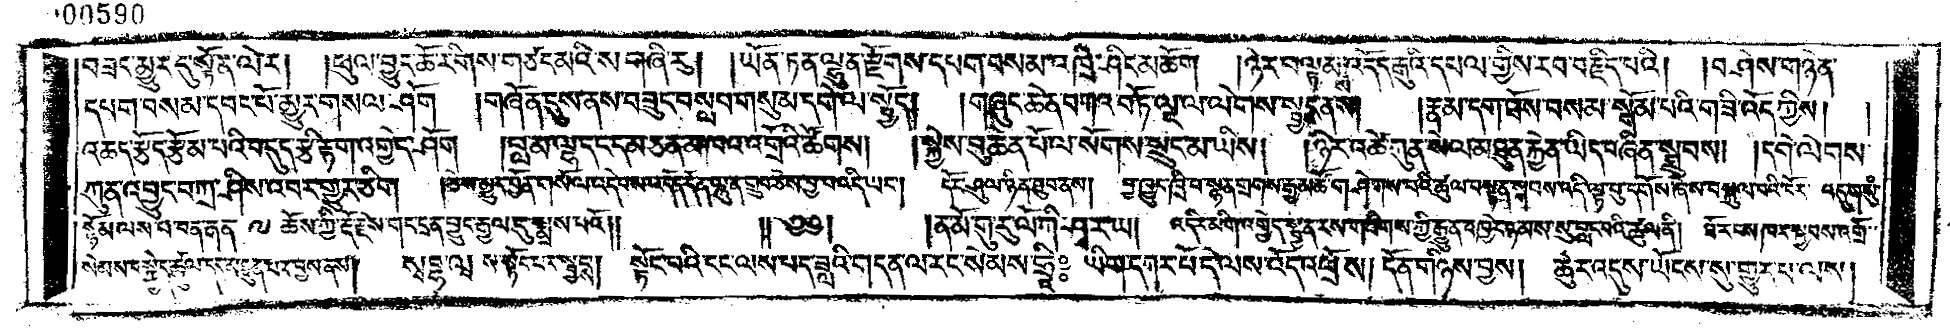བཟང་མྱུར་དུ་སྟོན་ལེ་ར། །ཕུལ་བྱུང་ཆོ་རིགས་གཙང་མའི་ས་གཞི་རུ། །ཡོན་ཏན་ལྷུན་རྫོགས་དཔག་བསམ་འཁྲི་ཤིང་མཆོག །ཉེར་བལྟམས་འདོད་རྒུའི་དཔལ་གྱིས་རབ་བརྗིད་པའི། །བཤེས་གཉེན་
དཔག་བསམ་དབང་པོ་མྱུར་གསལ་ཤོག །གཞོན་དུས་ནས་བཟུང་བསླབ་གསུམ་དགེ་ལ་སྤྱོད། །གཞུང་ཆེན་བཀའ་བོཏ་ལྔ་ལ་ལེགས་སྦྱངས་ནས། །རྣམ་དག་ཐོས་བསམ་སྒོམ་པའི་གཟི་འོད་ཀྱིས། །
འཆད་རྩོད་རྩོམ་པའི་བདུད་རྩི་རྟག་འགྱེད་ཤོག །བླ་མ་ལྷ་དང་དམ་ཅན་མཁའ་འགྲོའི་ཚོགས། །སྐྱེས་བུ་ཆེན་པོ་ལ་སོགས་སྲུང་མ་ཡིས། །ཉེར་འཚེ་ཀུན་སེལ་མཐུན་རྐྱེན་ཡིད་བཞིན་སྒྲུབས། །དགེ་ལེགས་
ཀུན་འབྱུང་བཀྲ་ཤིས་འབར་གྱུར་ཅིག །ཅེས་མྱུར་བྱོན་གསོལ་འདེབས་འདོད་དོན་ལྷུན་གྲུབ་ཅེས་བྱ་བ་འདི་ཡང་། དོར་ཤུལ་ཉིན་ཐུབ་ནས། བྱ་ཁྱུང་ཁྲི་བ་སྙན་གྲགས་རྒྱ་མཚོ་གཤེགས་པའི་ཚུལ་བསྟན་སྐབས་འདི་ལྟ་བུ་དགོས་ཞེས་བསྐུལ་བའི་ངོར་འདུ་གསུམ་
སྙོམ་ལས་པ་བན་རྒན་༧་ཆོས་ཀྱི་རྡོ་རྗེས་གང་དྲན་བྱུང་རྒྱལ་དུ་སྨྲས་པའོ།། །། ༄༅། །ན་མོ་གུ་རུ་ལོ་ཀི་ཤྭ་ར་ཡ། འདིར་མིག་འགྱིད་སྤྱན་རས་གཟིགས་ཀྱི་རྒྱུན་འཁྱེར་ཉམས་སུ་བླང་བའི་ཚུལ་ནི། ཐོ་རངས་ཁར་སྐྱབས་འགྲོ་
སེམས་བསྐྱེད་ཚུལ་དང་མཐུན་པར་བྱས་ནས། སྭབྷ་ཝས་སྟོང་པར་སྦྱངས།  སྟོང་པའི་ངང་ལས་པད་ཟླའི་གདན་ལ་རང་སེམས་ཧྲཱིཿ ཡིག་དཀར་པོ་དེ་ལས་འོད་འཕྲོས། དོན་གཉིས་བྱས། ཚུར་འདུས་ཡོངས་སུ་གྱུར་པ་ལས།